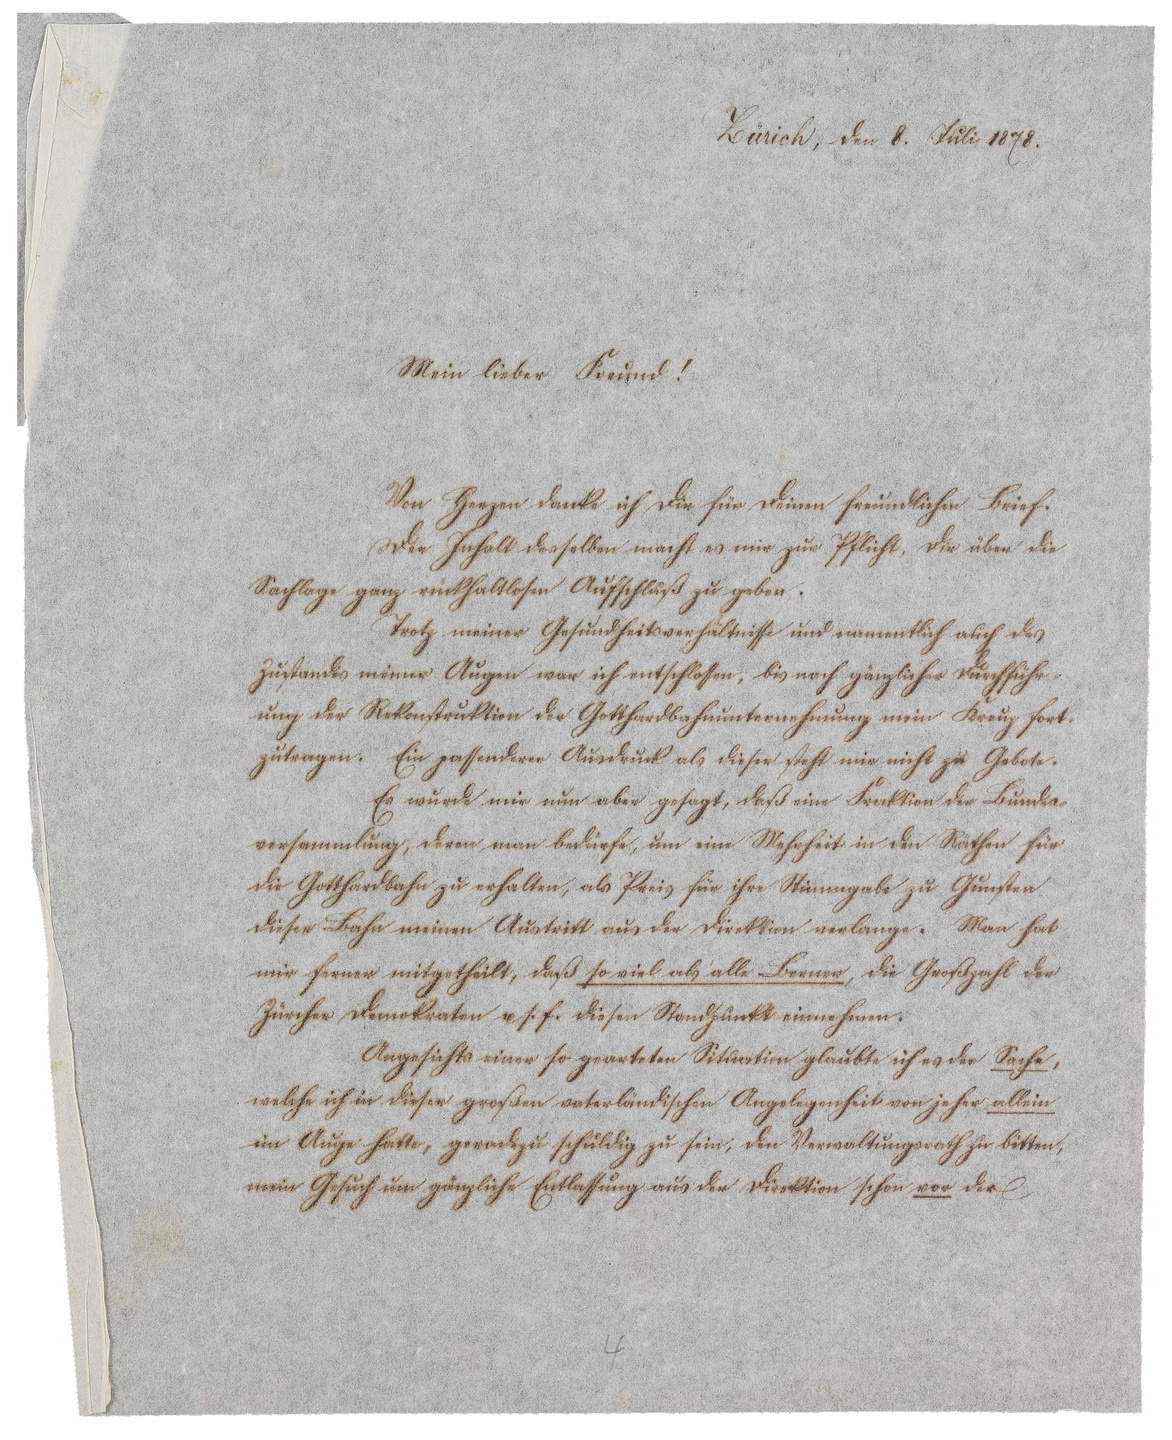Zürich, den 8. Juli 1878.
Mein lieber Freund!
Von Herzen danke ich Dir für Deinen freundlichen Brief.
Der Inhalt desselben macht es mir zur Pflicht, Dir über die
Sachlage ganz rückhaltlosen Aufschluß zu geben.
Trotz meiner Gesundheitsverhältnisse und namentlich auch des
Zustandes meiner Augen war ich entschlossen, bis nach gänzlicher Durchführ-
ung der Rekonstruktion der Gotthardbahnunternehmung mein Kreuz fort-
zutragen. Ein passenderer Ausdruck als dieser steht mir nicht zu Gebote.
Es wurde mir nun aber gesagt, daß eine Fraktion der Bundes-
versammlung, deren man bedürfe, um eine Mehrheit in den Räthen für
die Gotthardbahn zu erhalten, als Preis für ihre Stimmgabe zu Gunsten
dieser Bahn meinen Austritt aus der Direktion verlange. Man hat
mir ferner mitgetheilt, daß so viel als alle Berner, die Großzahl der
Zürcher Demokraten u. s. f. diesen Standpunkt einnehmen.
Angesichts einer so gearteten Situation glaubte ich es der Sache,
welche ich in dieser großen vaterländischen Angelegenheit von jeher allein
im Auge hatte, geradezu schuldig zu sein, den Verwaltungsrath zu bitten,
mein Gesuch um gänzliche Entlassung aus der Direktion schon vor der